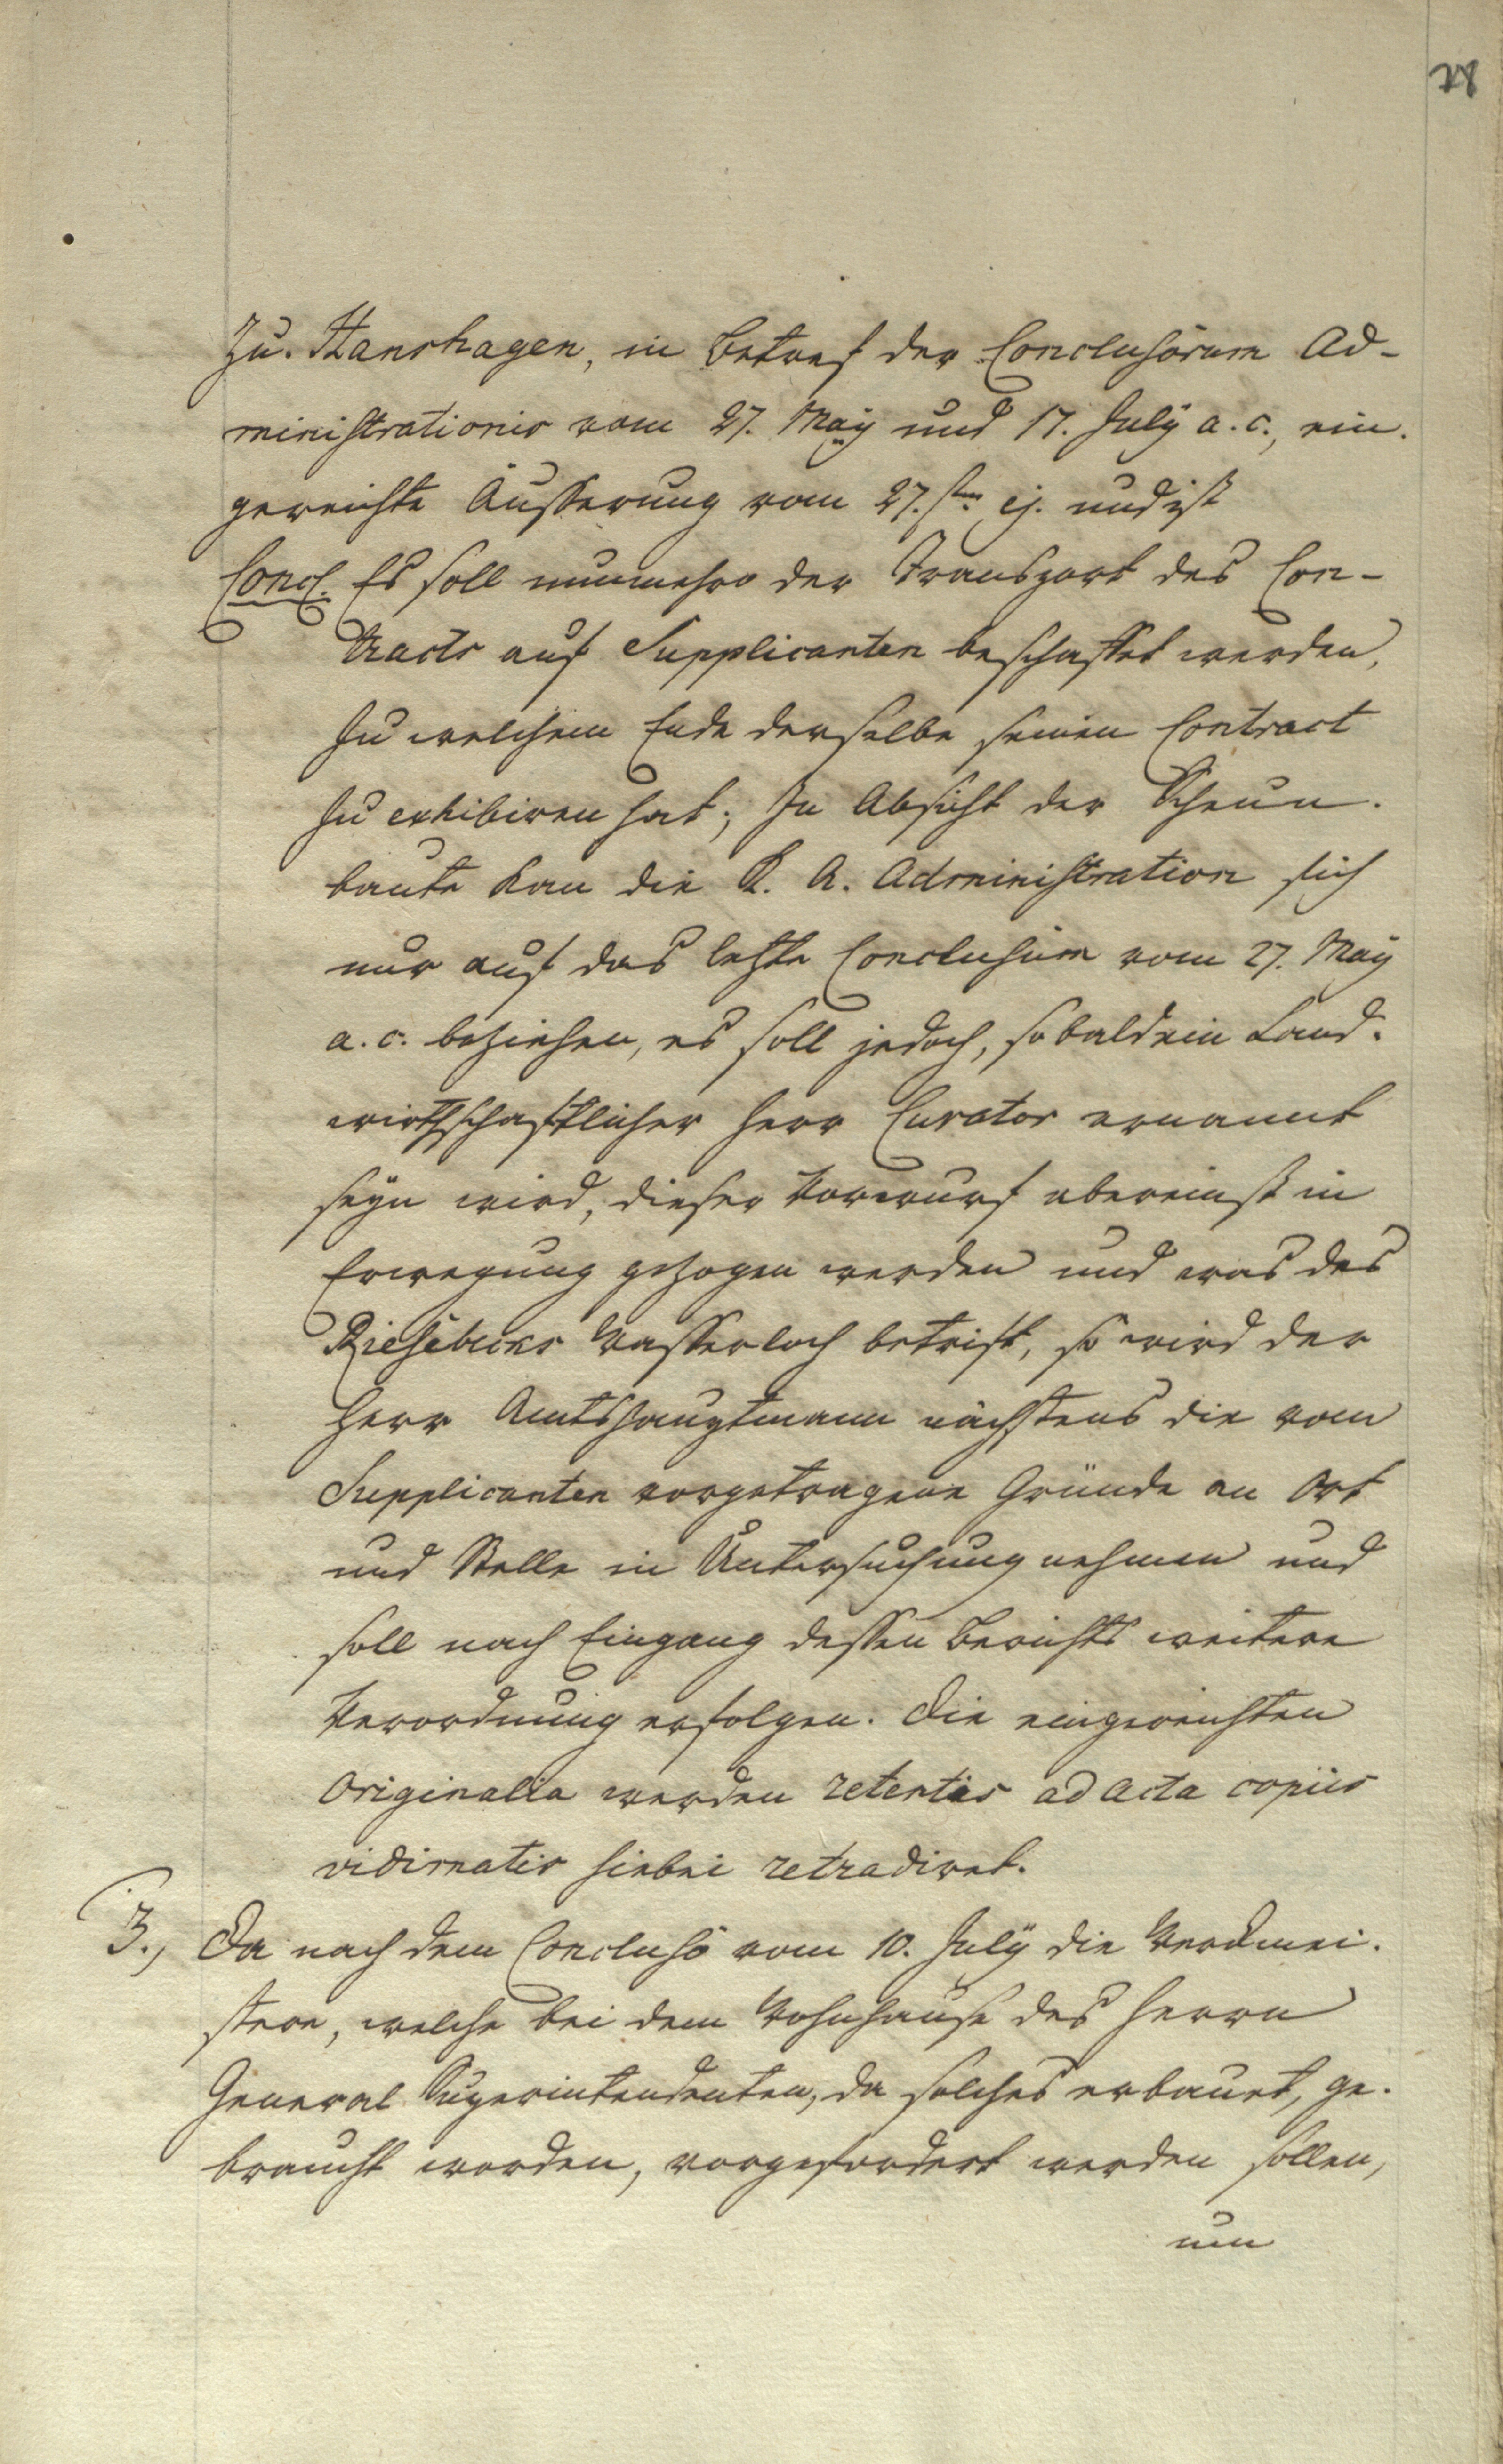zu. Hanshagen, in Betref der Conclusorum Ad¬
ministrationis vom 27. Maÿ und 17. Julÿ a. c. ein¬
gereichte Äusserung vom 27 t. ej. und ist
Concl. Es soll nunmehro der Transport des Con¬
tracts auf Supplicanten beschaffet werden,
zu welchem Ende derselbe seinen Contract
zu exhibiren hat; In Absicht der Scheun¬
baute kan die K. A. Administration sich
nur auf das letzte Conclusum vom 27. Maÿ
a. c. beziehen, es soll jedoch, so bald ein Land¬
wirthschaftlicher Herr Curator ernannt
seÿn wird, dieser Vorwurf abereinst in
Erwegung gezogen werden und was das
Riesebecker Wasserloch betrift, so wird der
Herr Amtshauptmann nächstens die vom
Supplicanten vorgetragene Gründe an Ort
und Stelle in Untersuchung nehmen und
soll nach Eingang dessen Berichts weitere
Verordnung erfolgen. Die eingereichten
Originalle werden retertas ad acta copiis
vidimatis hiebei ratradiret¬
3., Da nach dem Concluso vom 10. Julÿ die Werckmei¬
stern, welche bei dem Wohnhause des Herrn
General Superintendenten, da solches erbauet, ge¬
braucht worden, vorgefordert werden sollen,
um